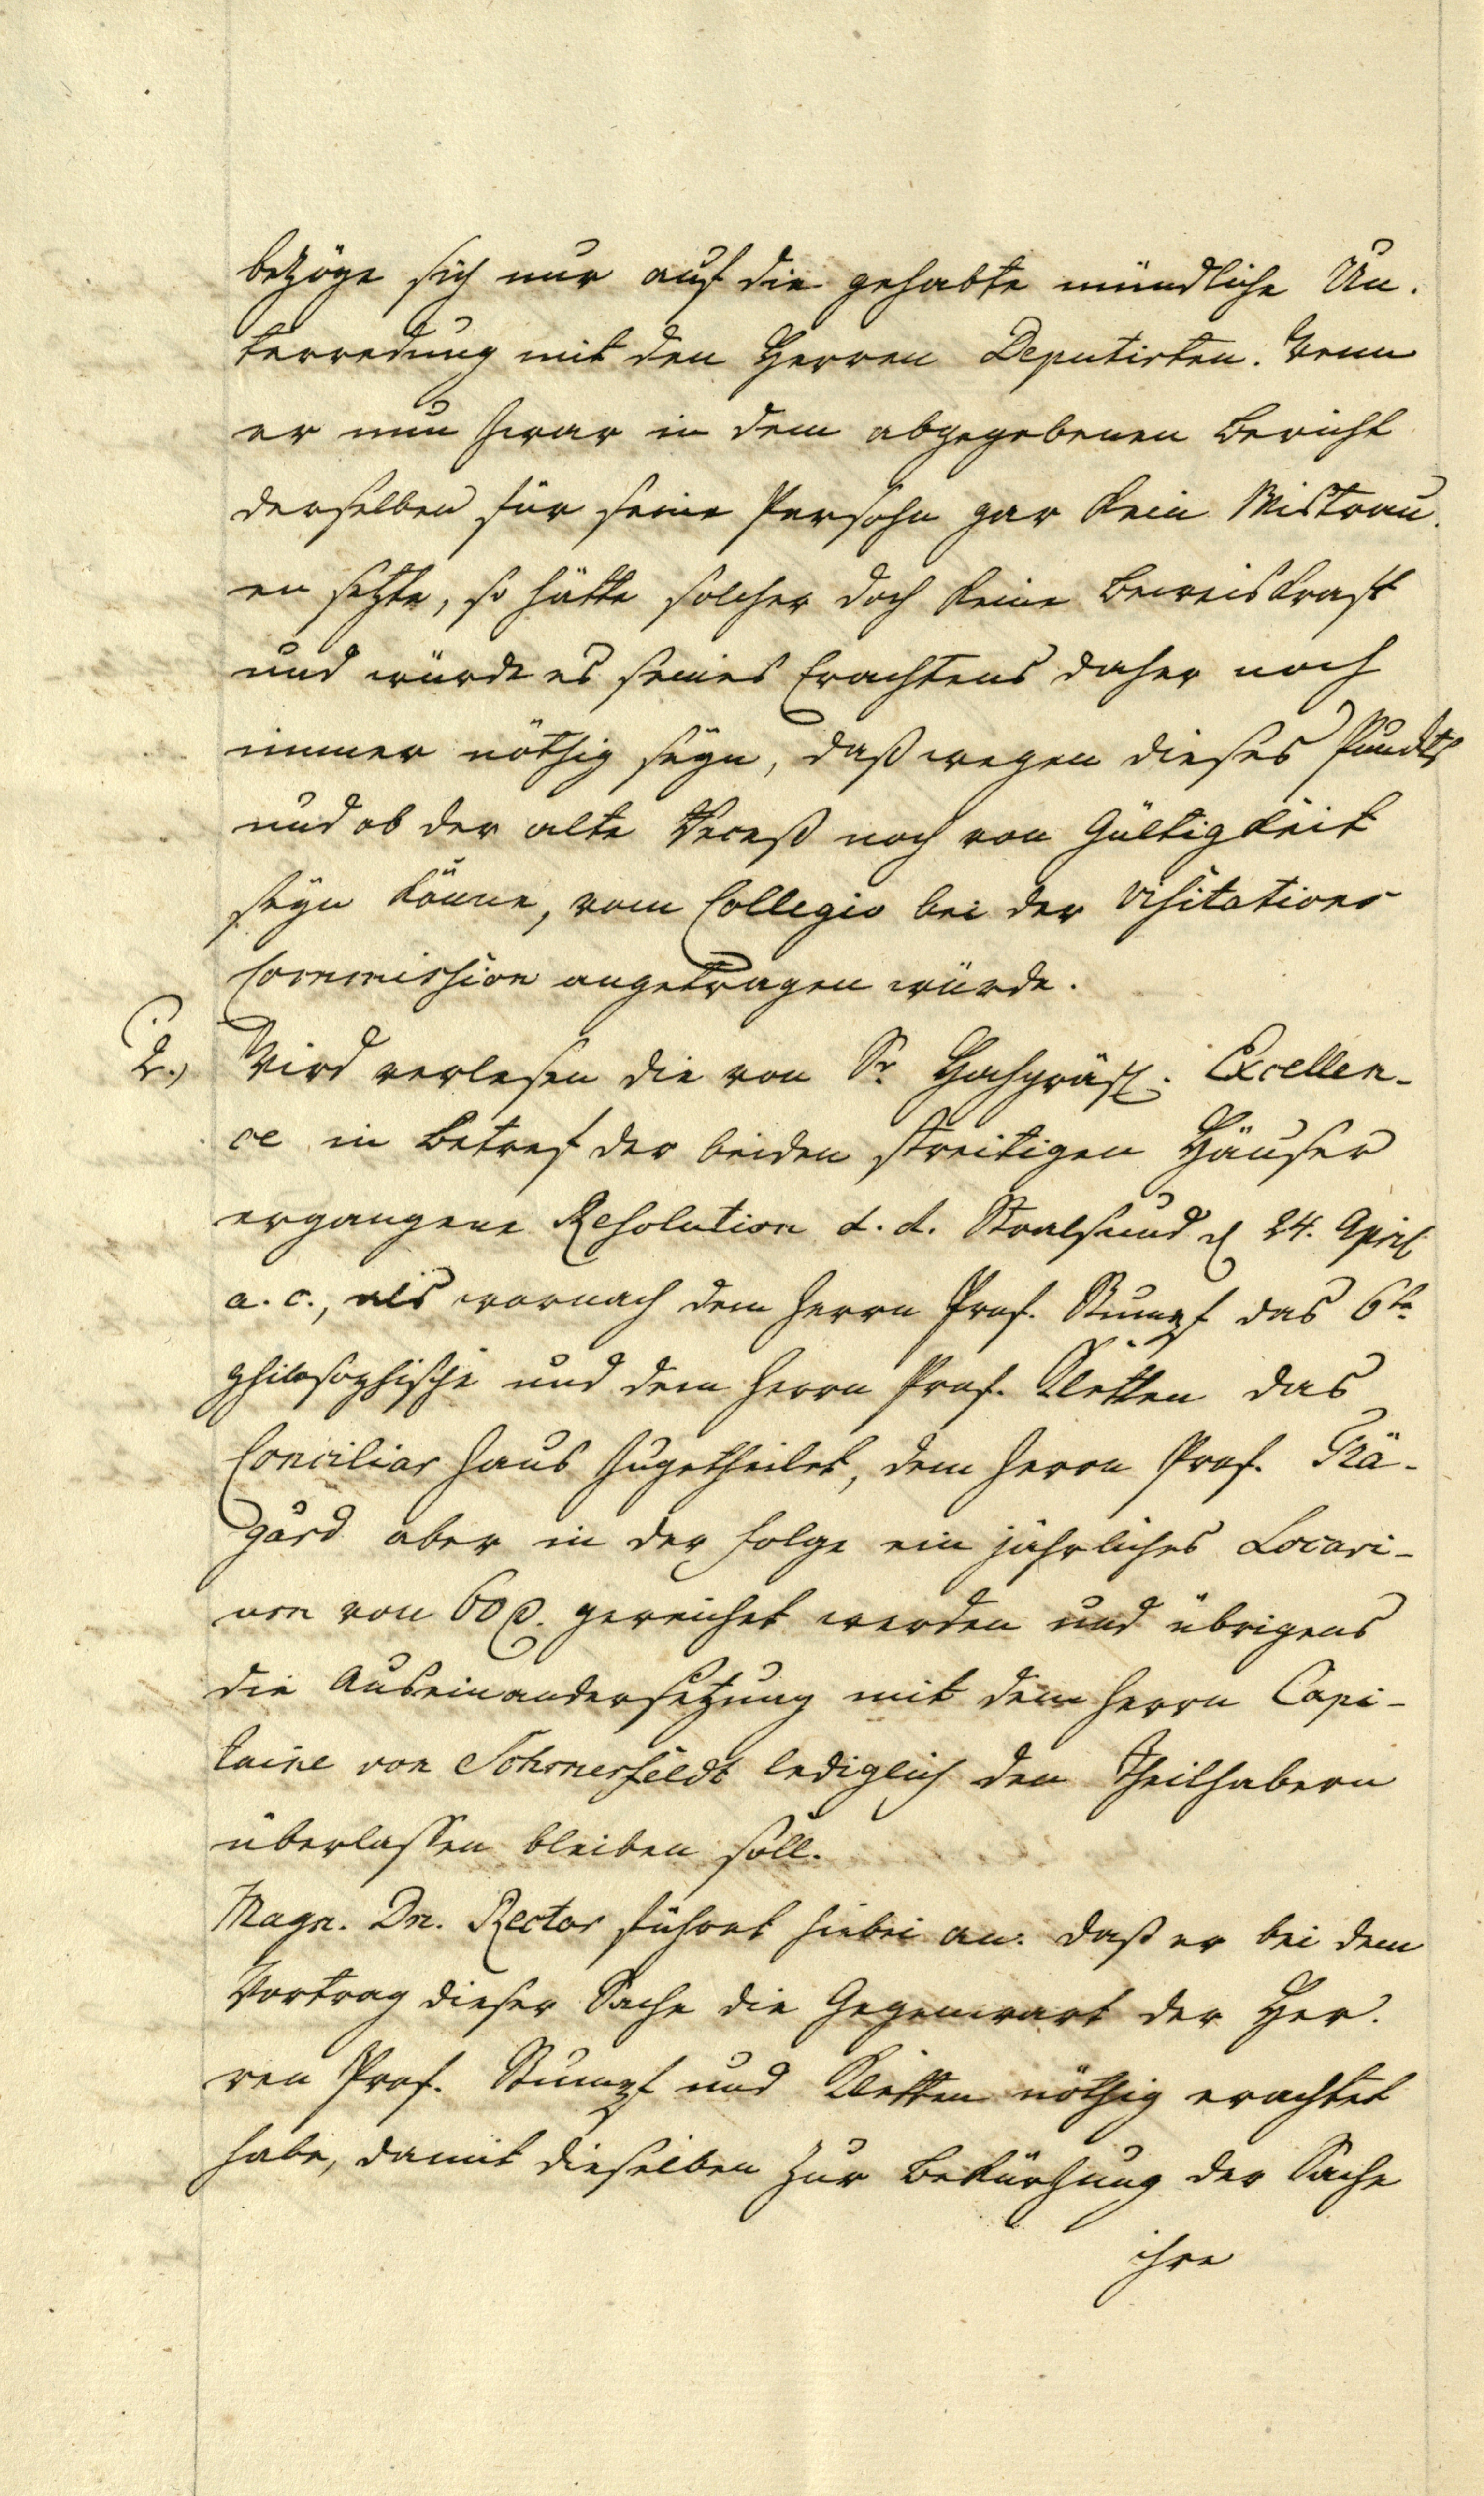bezöge sich nur auf die gehabte mündliche Un¬
terredung mit den Herren Deputirten. Wenn
er nun zwar in dem abgegebenen Bericht
derselben für seine Persohn gar kein Mistrau¬
en setzte, so hätte solcher doch keine Beweiskraft
und würde es seines Erachtens daher noch
immer nöthig seÿn, daß wegen dieses Punckts
und ob der alte Receß noch von Gültigkeit
seÿn könne, vom Collegio bei der Visitations
Commission angetragen würde.
2., Wird verlesen die von Sr. Hochgräfl. Excellen¬
ce in Betref der beiden streitigen Häuser
ergangene Resolution d. d. Stralsund d. 24. April
a. c, als wornach dem Herrn Prof. Stumpf das 6 te
philosophische und dem Herrn Prof. Kletten das
Conciliar Haus zugetheilet, dem Herrn Prof. Trä¬
gård aber in der Folge ein jährliches Locari¬
um von 60 l. gereichet werden und übrigens
die Auseinandersetzung mit dem Herrn Capi¬
taine von Schmerfeldt lediglich den Theilhabern
überlassen bleiben soll.
Magn. Dn. Rector führet hiebei an: daß er bei dem
Vortrag dieser Sache die Gegenwart der Her¬
ren Prof. Stumpf und Kletten nöthig erachtet
habe, damit dieselben zur Bekürzung der Sache
ihre